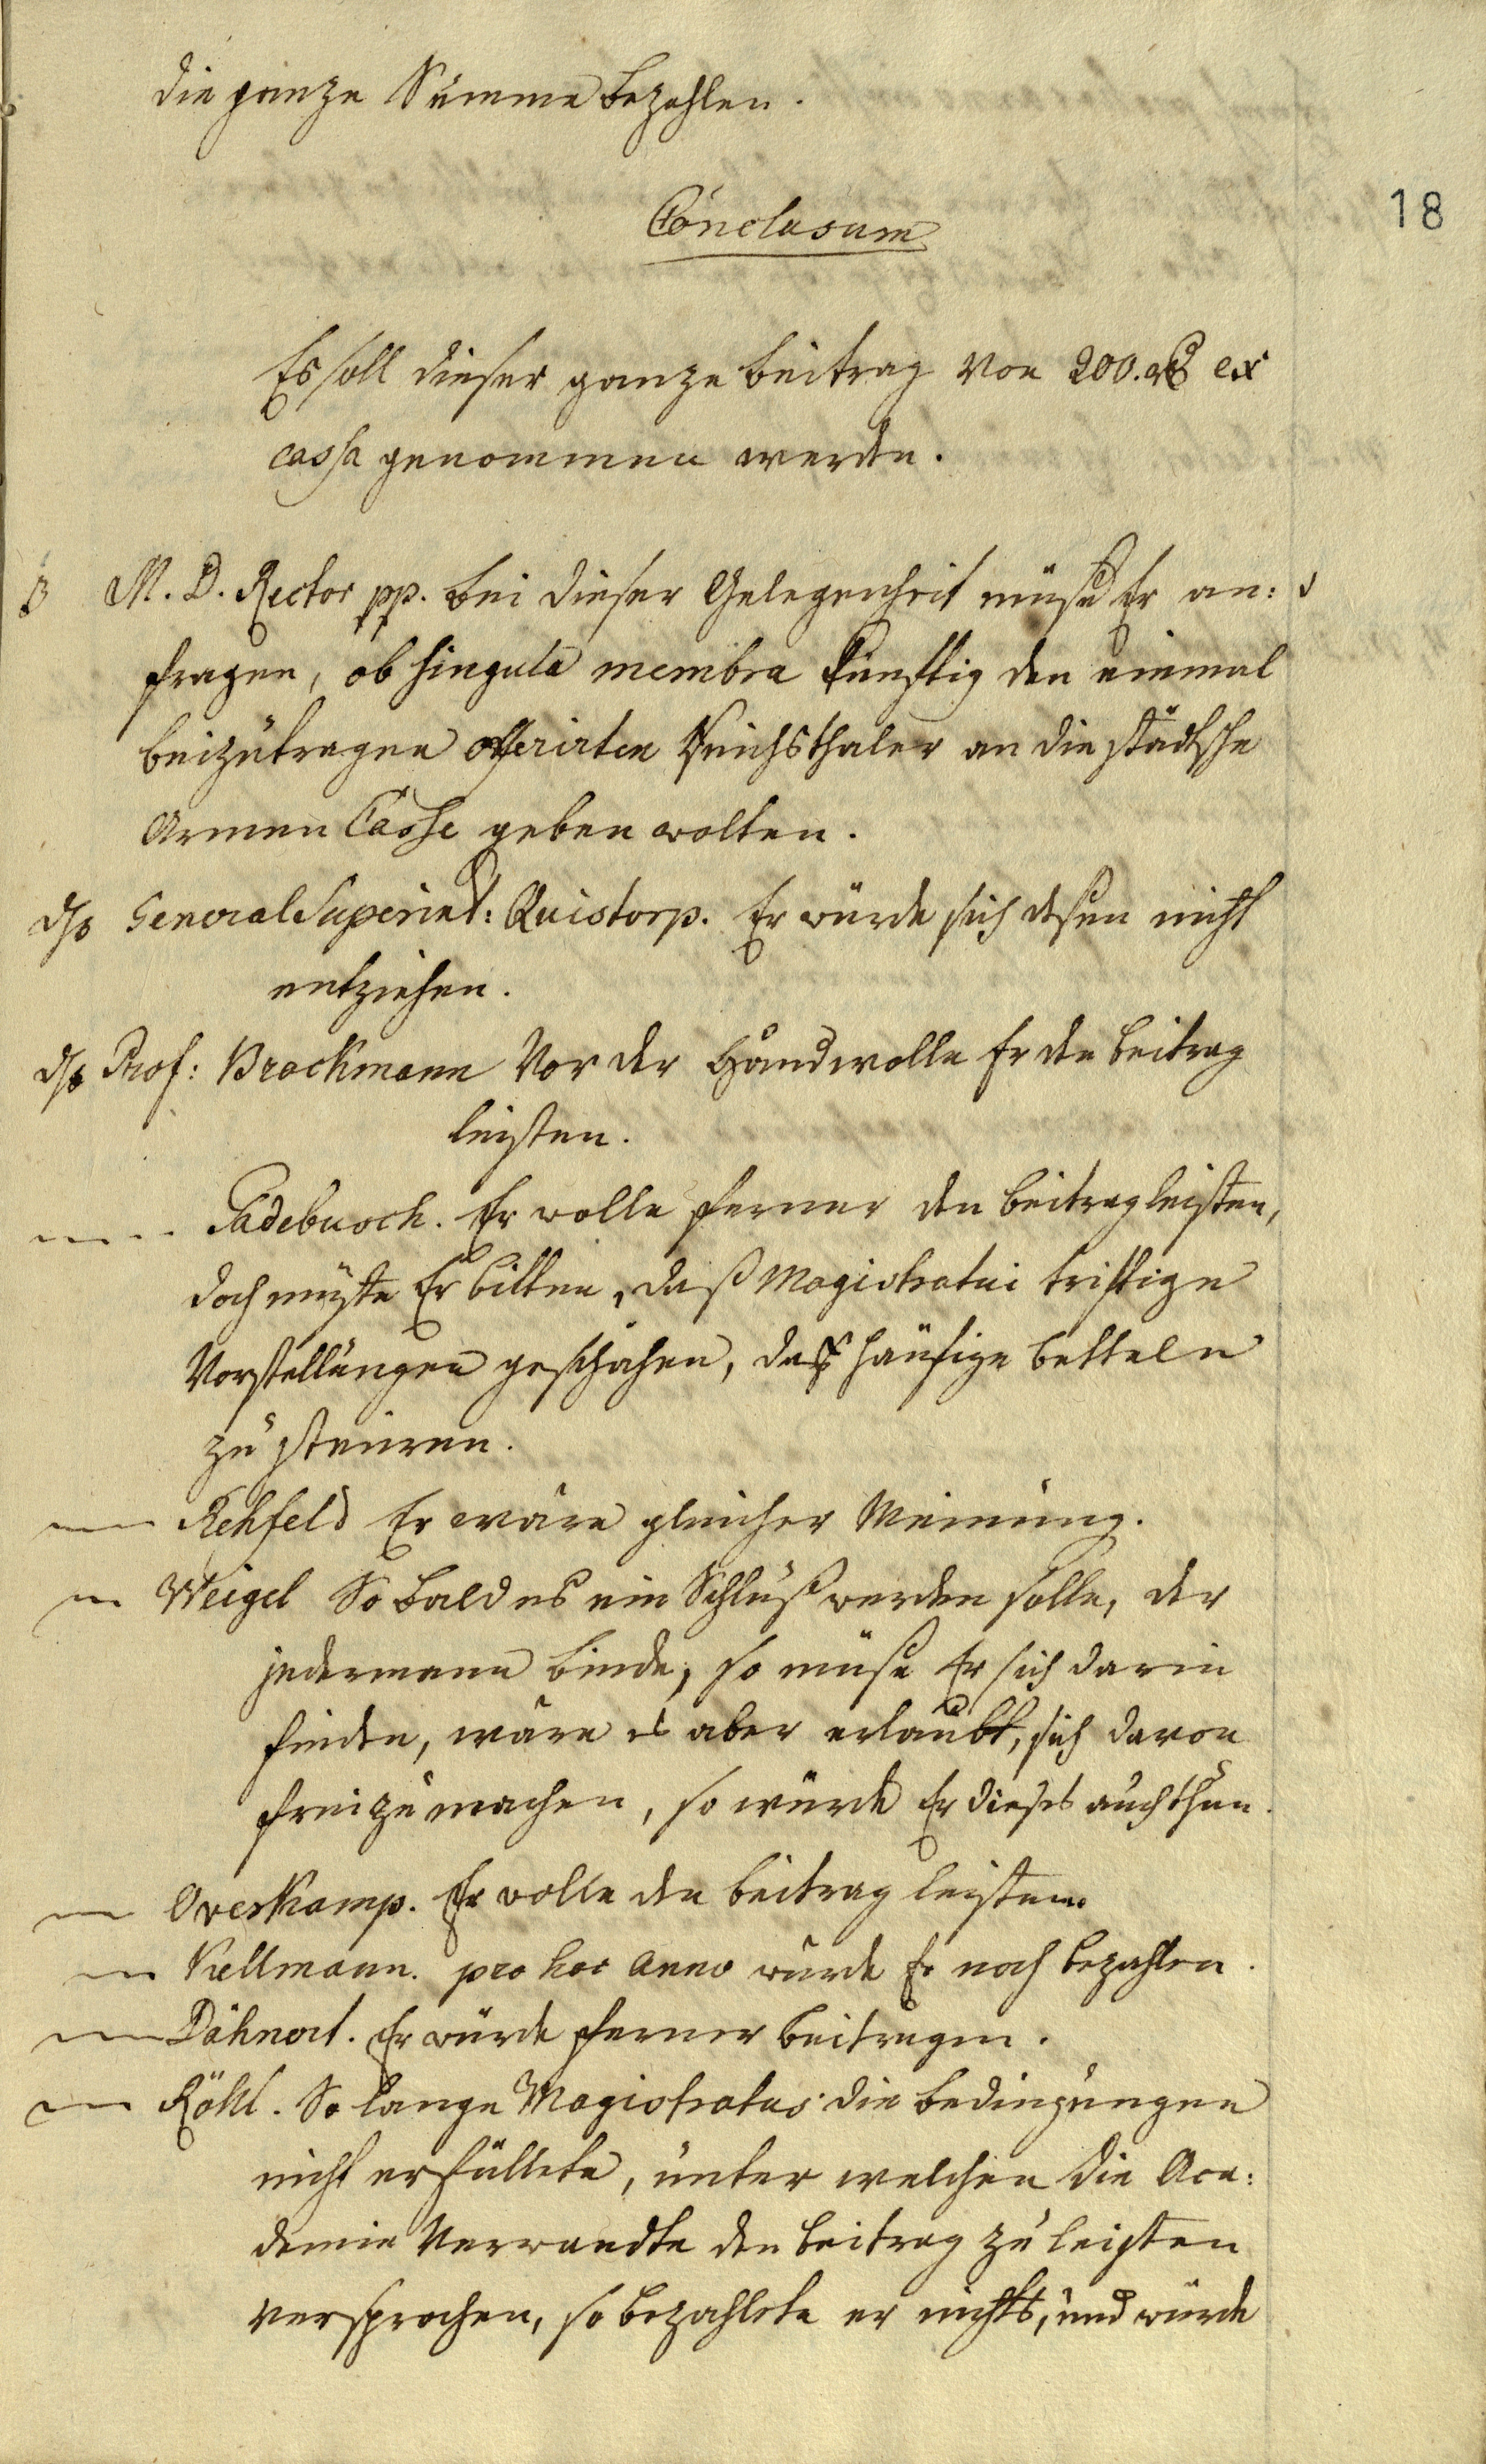die ganze Summe bezahlen.
Conclusum
Es soll dieser ganze Beitrag von 200. r. ex
cassa genommen werden.
3. M. D. Rector pp. Bei dieser Gelegenheit müße Er an¬
fragen, ob singula membra künftig den einmal
beizutragen offerirten Reichsthaler an die städtsche
Armen Casse geben wolten.
dh GeneralSuperint: Quistorp. Er würde sich dessen nicht
entziehen.
dh Prof: Brockmann Vor der Hand wolle Er den Beitrag
leisten.
Gadebusch. Er wolle ferner den Beitrag leisten,
doch müste Er bitten, daß Magistratui triftige
Vorstellungen geschähen, das häufige betteln
zu steuren.
Rehfeld Er wäre gleicher Meinung.
Weigel So bald es ein Schluß werden solle, der
jedermann binde, so müße Er sich darin
finden, wäre es aber erlaubt, sich davon
frei zumachen, so würde Er dieses auch thun.
Overkamp. Er wolle den Beitrag leisten.
Kellmann. pro hoc anno würde Er noch bezahlen.
Dähnert. Er würde ferner beitragen.
Röhl. So lange Magistratus die Bedingungen
nicht erfüllete, unter welchen die Aca¬
demie Verwandte den Beitrag zu leisten
versprochen, so bezahlete er nichts, und würde